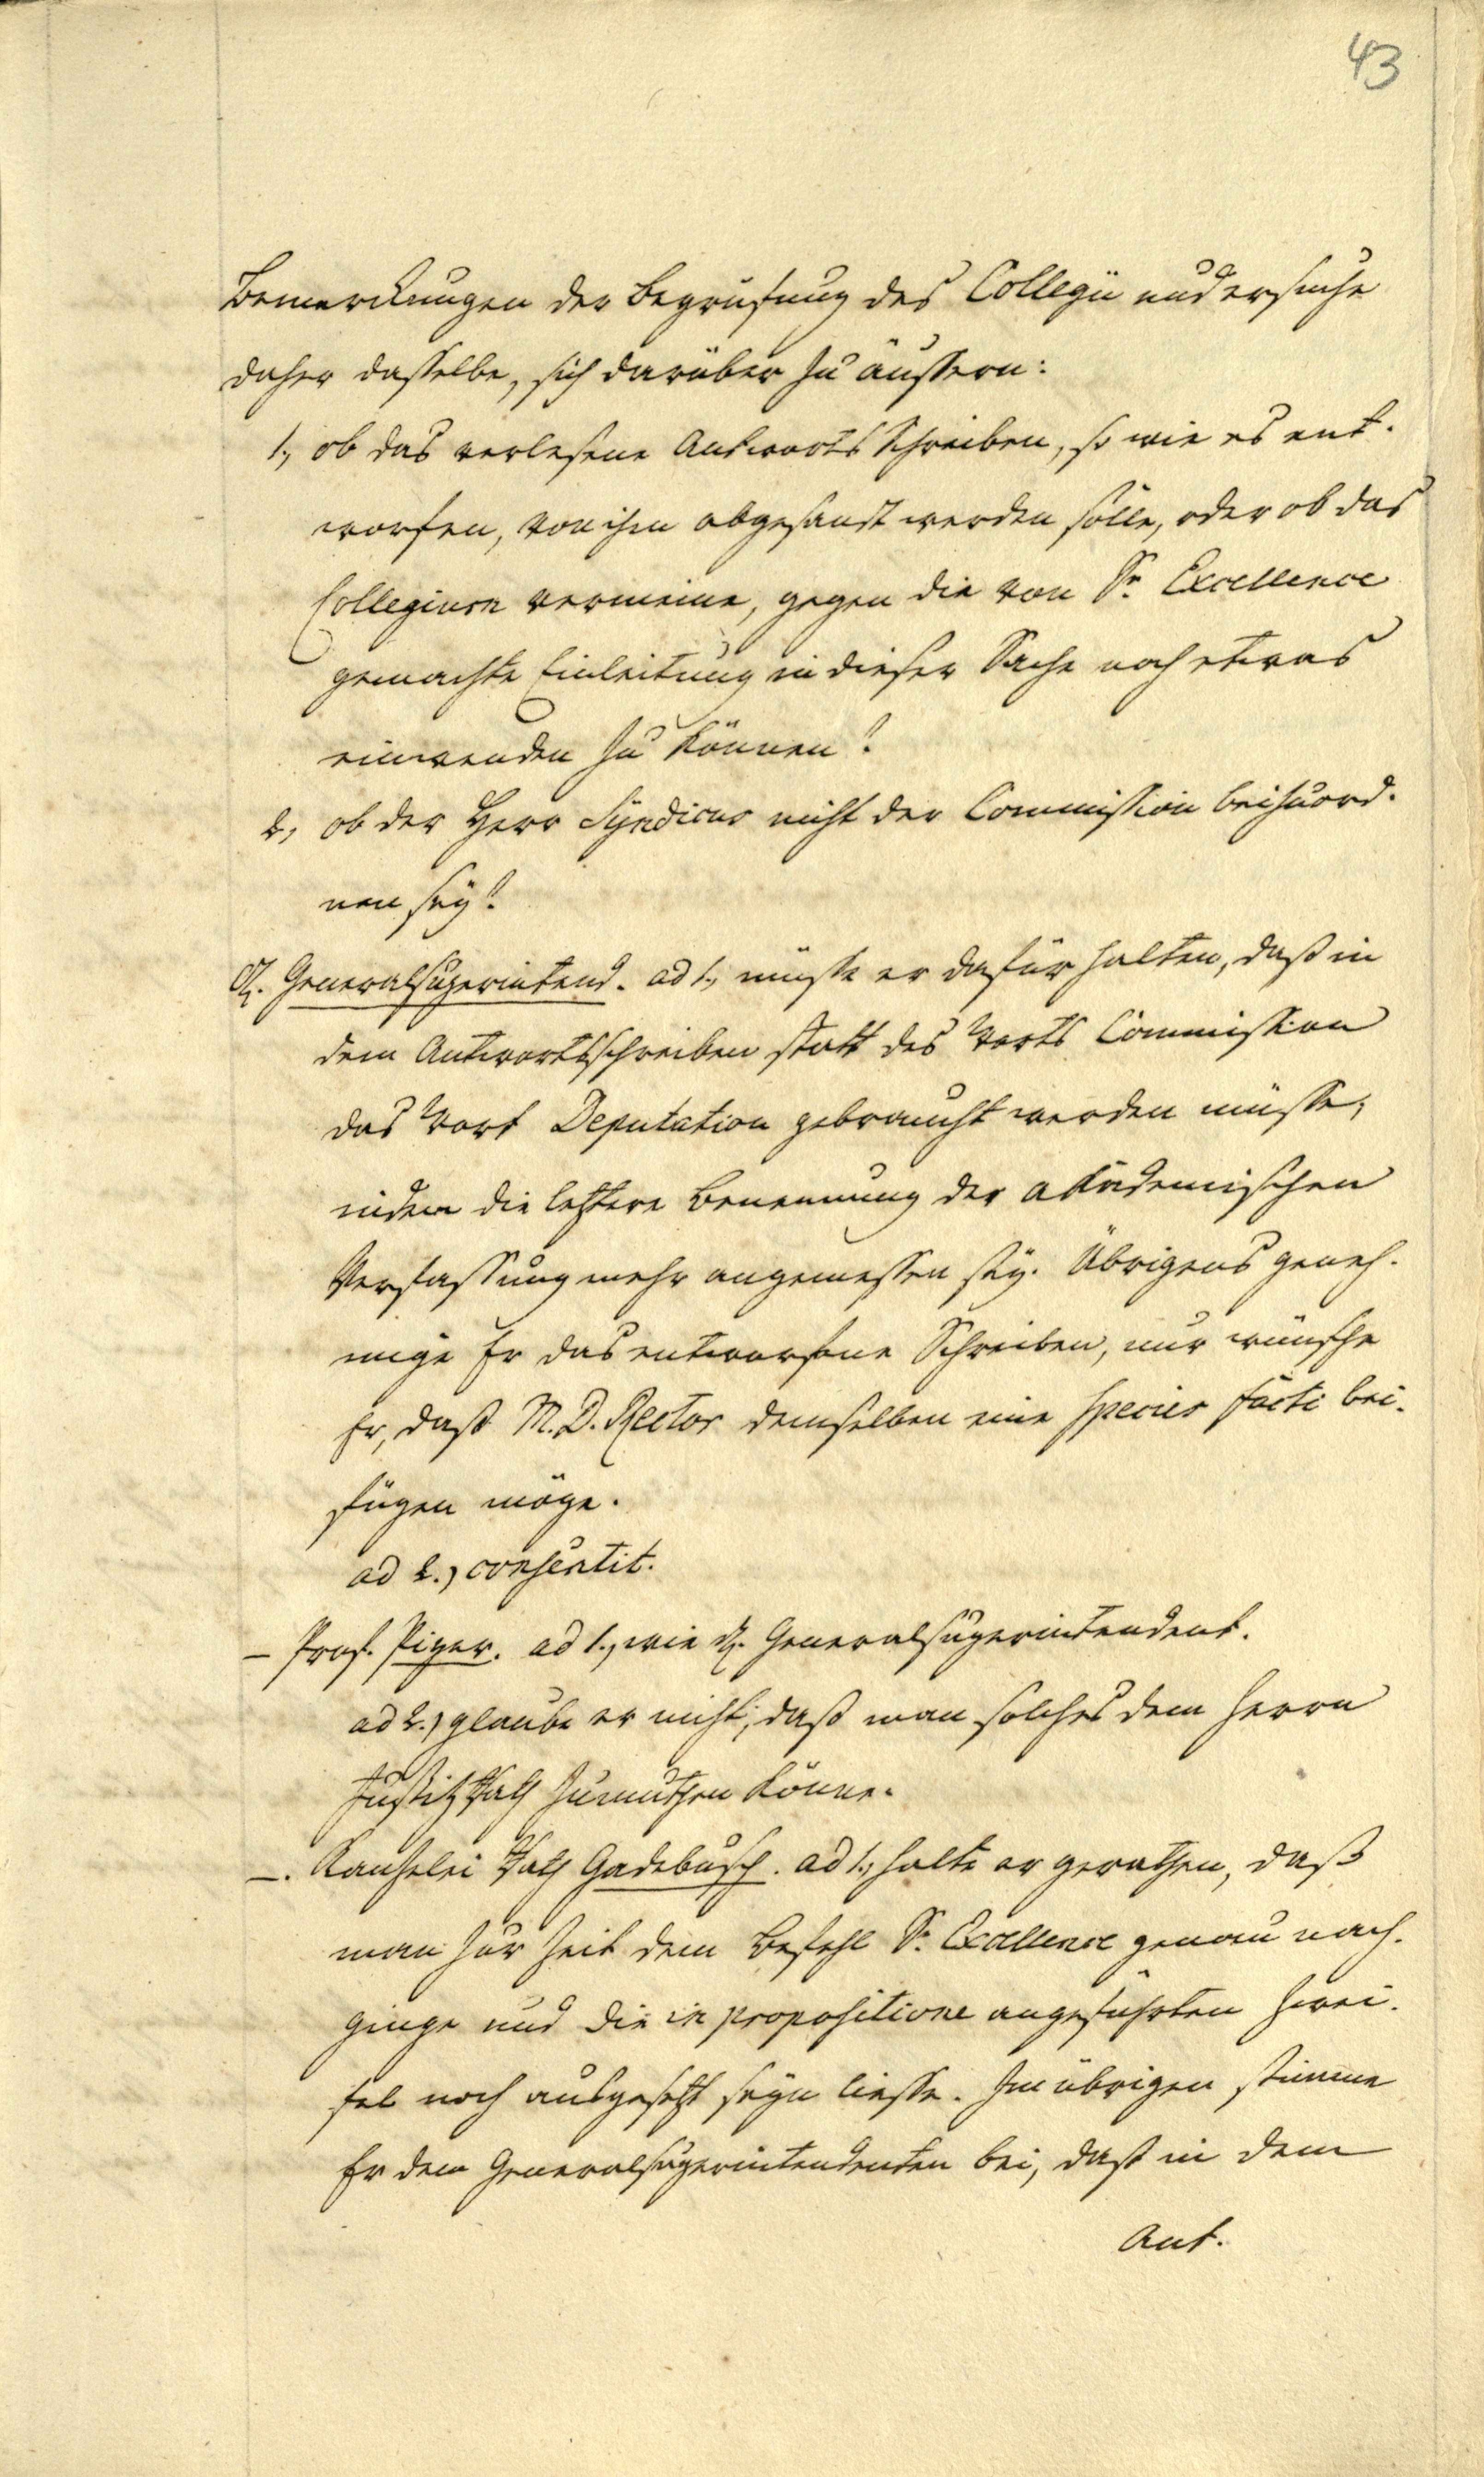Bemerckungen der Beprüfung des Collegii und ersuche
daher dasselbe, sich darüber zu äussern:
1, ob das verlesene Antworts Schreiben, so wie es ent¬
worfen, von ihm abgesandt werden solle, oder ob das
Collegium vermeine, gegen die von Sr Excellence
gemachte Einleitung in dieser Sache noch etwas
einwenden zu können?
2, ob der Herr Sÿndicus nicht der Commission beizuord¬
nen seÿ?
dh. Generalsuperintend. ad 1., müsse er dafür halten, daß in
dem Antwortsschreiben statt des Worts Commission
das Wort Deputation gebraucht werden müsse,
indem die letztere Benennung der akademischen
Verfassung mehr angemessen seÿ. Übrigens geneh¬
mige Er das entworfene Schreiben, nur wünsche
Er, daß M. D. Rector demselben eine species Facti bei¬
fügen möge.
ad 2., consentit.
Prof. Piper, ad 1. wie dh. Generalsuperintendent.
ad 2., glaube er nicht, daß man solches dem Herrn
JustizRath zumuthen könne.
Kanzelei Rath Gadebusch. ad 1. halte er gerathen, daß
man zur Zeit dem Befehl Sr Excellence genau nach¬
ginge und die in propositione angeführten Zwei¬
fel noch ausgesetzt seÿn liesse. Im übrigen stimme
Er dem Generalsuperintendenten bei, daß in dem
Ant.